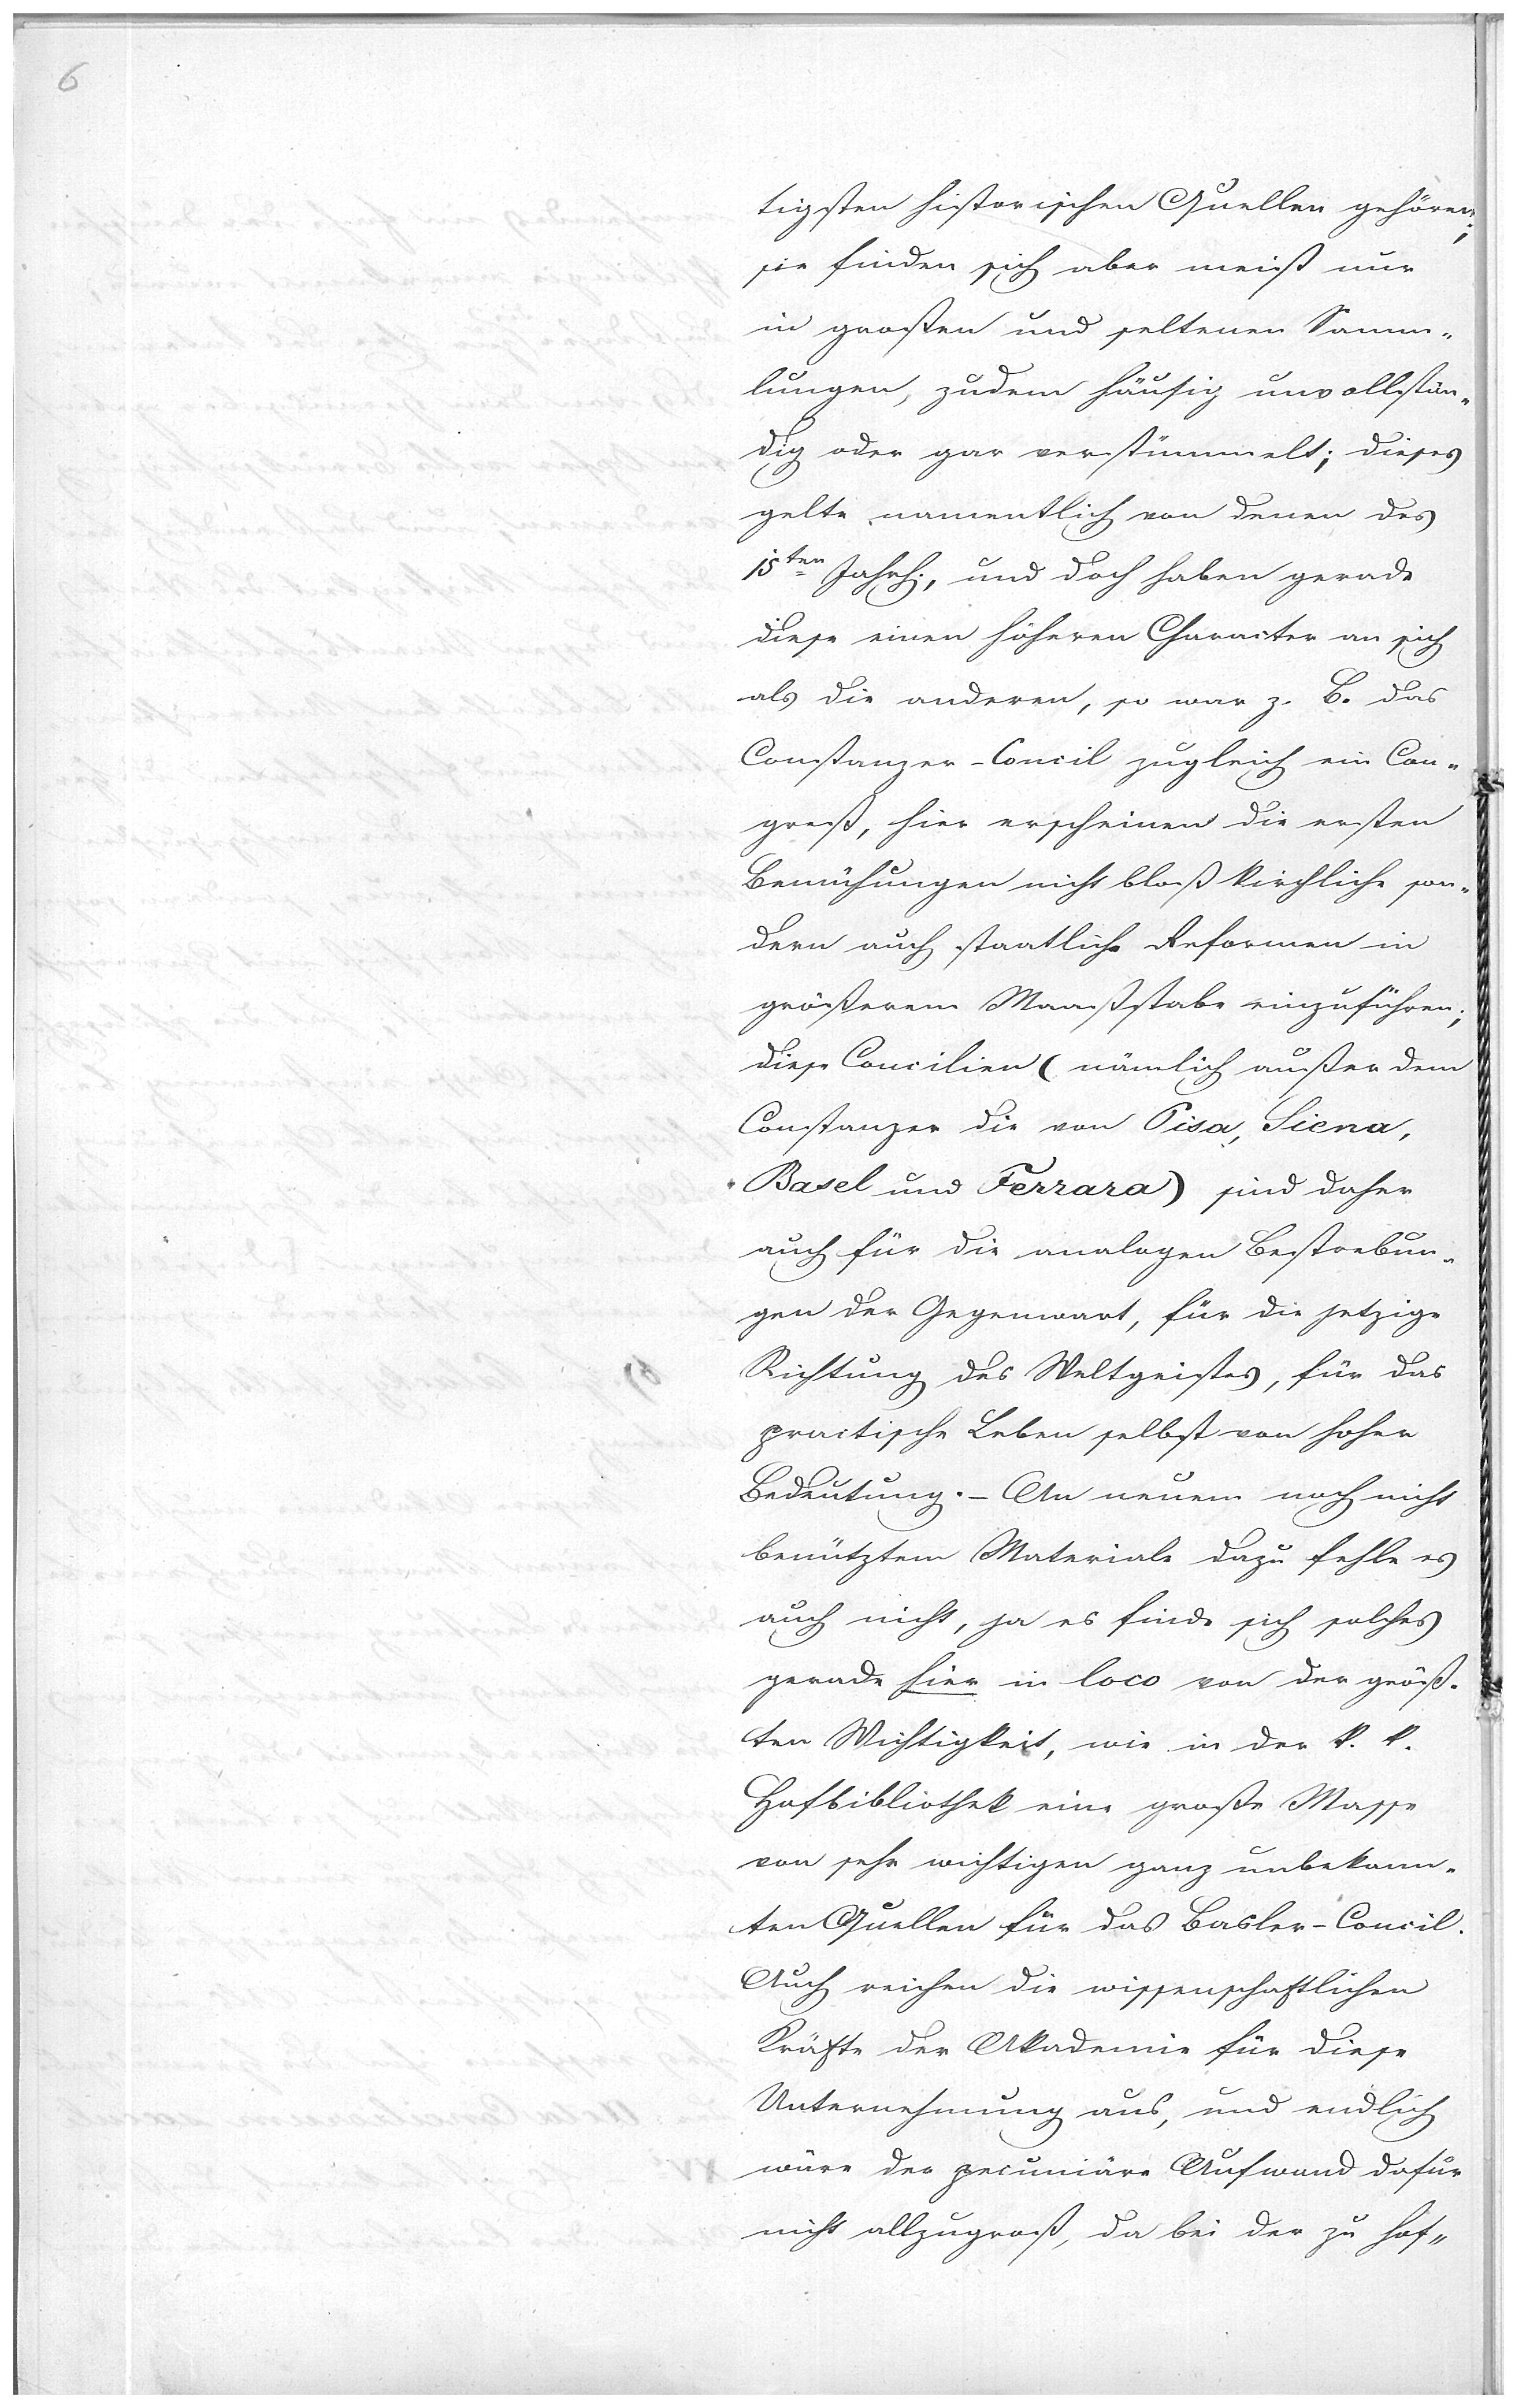tigsten historischen Quellen gehören;
sie finden sich aber meist nur
in großen und seltenen Samm-
lungen, zudem häufig unvollstän-
dig oder gar verstümmelt; dieses
gelte namentlich von denen des
15ten Jahrh., und doch haben gerade
diese einen höheren Character an sich
als die anderen, so war z. B. das
Constanzer Concil zugleich ein Con-
greß, hier erscheinen die ersten
Bemichungen nicht bloß kirchliche, son-
dern auch staatliche Reformen in
größerem Maaßstabe einzuführen;
diese Concilien (nämlich außer dem
Constanzer die von Pisa, Siena,
Basel und Ferrara) sind daher
auch für die analogen Bestrebun-
gen der Gegenwart, für die jetzige
Richtung des Weltgeistes, für das
practische Leben selbst von hoher
Bedeutung. - An neuem noch nicht
benütztem Materiale dazu fehle es
auch nicht, ja es finde sich solches
gerade hier in loco von der größ-
ten Wichtigkeit, wie in der k. k.
Hofbibliothek eine große Masse
von sehr wichtigen ganz unbekann-
ten Quellen für das Basler-Concil.
Auch reichen die wissenschaftlichen
Kräfte der Akademie für diese
Unternehmung aus, und endlich
wäre der pecuniäre Aufwand dafür
nicht allzugroß, da bei der zu hof-